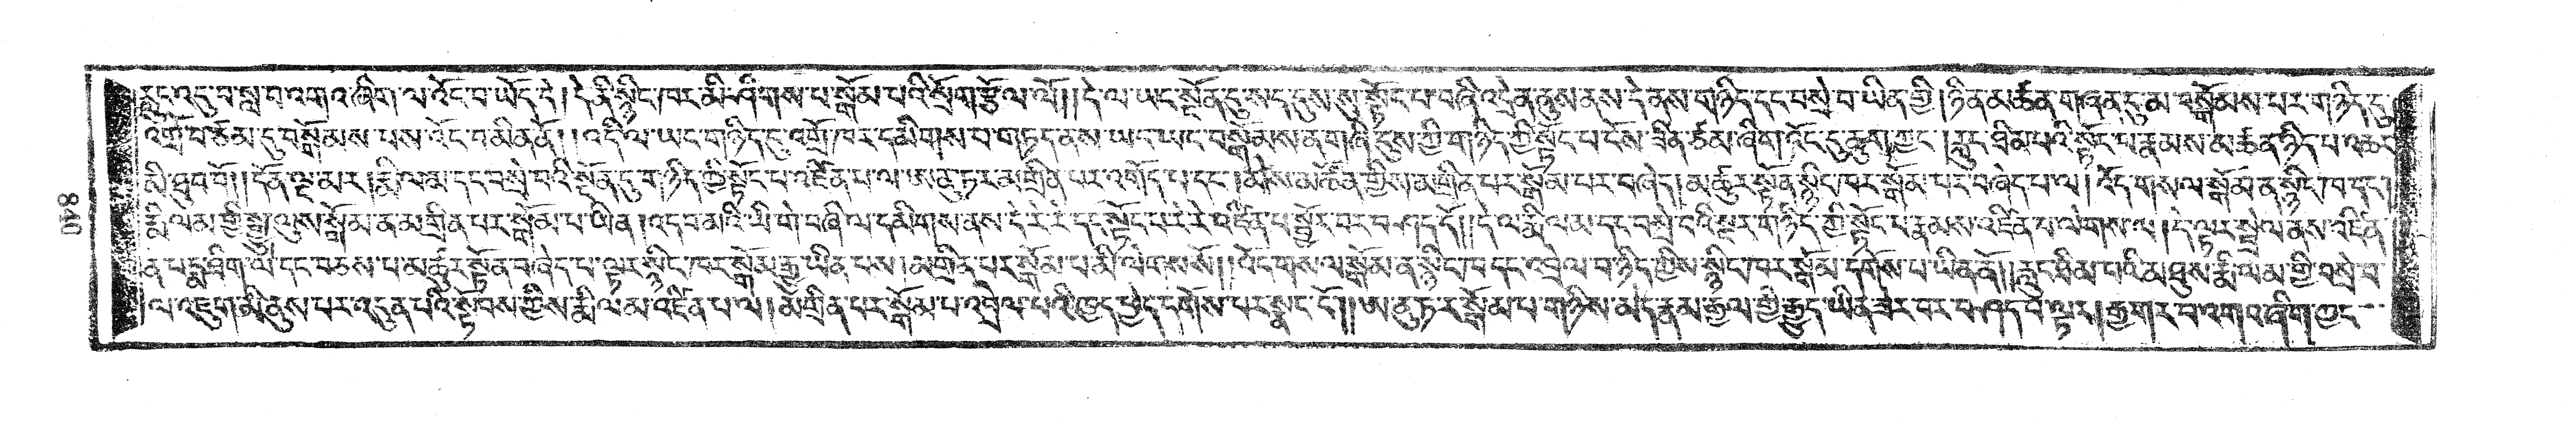རླུང་འདུ་བ་སླ་བ་འགའ་ཞིག་ལ་འོང་བ་ཡོད་དེ། དེ་ནི་སྙིང་ཁར་མི་ཤིགས་པ་སྒོམ་པའི་སྲོག་རྩོལ་ལོ། །དེ་ལ་ཡང་སྔོན་དུ་སད་དུས་སུ་སྟོང་པ་བཞི་འདྲེན་ནུས་ནས་དེ་ནས་གཉིད་དང་བསྲེ་བ་ཡིན་གྱི། ཉིན་མཚན་གཞན་དུ་མ་བསྒོམས་པར་གཉིད་དུ་
འགྲོ་བ་ཙམ་དུ་བསྒོམས་པས་འོང་བ་མིན་ནོ། །འདི་ལ་ཡང་གཉིད་དུ་འགྲོ་ཁར་དམིགས་པ་གཏད་ནས་ཡང་ཡང་བསྒོམས་ན་གཞི་དུས་ཀྱི་གཉིད་ཀྱི་སྟོང་པ་ངོས་ཟིན་ཙམ་ཞིག་འོང་དུ་ཆུག་ཀྱང་། རླུང་ཐིམ་པའི་སྟོང་པ་རྣམས་མཚན་ཉིད་པ་འཆར་
མི་ཐུབ་བོ། །དན་ལྔ་མར། རྨི་ལམ་དང་བསྲེ་བའི་སྔོན་དུ་གཉིད་ཀྱི་སྟོང་པ་འཛིན་པ་ལ་ཨ་ནུ་ཏ་ར་མགྲིན་པར་འགོད་པ་དང་། མེས་མཚོན་གྱིས་མགྲིན་པར་སྒོམ་པར་བཞེད། མཚུར་སྟོན་སྙིང་ཁར་སྒོམ་པར་བཞེད་པ་ལ། འོད་གསལ་སྒོམ་ན་སྙིང་ཁ་དང་།
རྨི་ལམ་གྱི་སྒྱུ་ལུས་སྒོམ་ན་མགྲིན་པར་སྒོམ་པ་ཡིན། འདབ་མའི་ཡི་གེ་བཞི་ལ་དམིགས་ནས་དེ་རེ་རེ་དང་སྟོང་པ་རེ་རེ་འཛིན་པ་སྦྱོར་བར་བཤད་དོ། །དེ་ལ་རྨི་ལམ་དང་བསྲེ་བའི་སྔར་གཉིད་ཀྱི་སྟོང་པ་རྣམས་འཛིན་པ་ལེགས་ལ། དེ་ལྟར་སྦྲེལ་ནས་འཛིན་
ན་པདམ་ཐིག་ལེ་དང་བཅས་པ་མཚུར་སྟོན་བཞད་པ་ལྟར་སྙིང་ཁར་སྒོམ་རྒྱུ་ཡིན་པས། མགྲིན་པར་སྒོམ་པ་མི་ལེགས་སོ། །འོད་གསལ་སྒོམ་ན་སྙིང་ཁ་དང་འབྲེལ་བ་ཉིད་ཀྱིས་སྙིང་ཁར་སྒོམ་དགོས་པ་ཡིན་ནོ། །རླུང་ཐིམ་པའི་མཐུས་རྨི་ལམ་གྱི་བསྲེ་བ་
ལ་འཇུག་མི་ནུས་པར་འདུན་པའི་སྟོབས་ཀྱིས་རྨི་ལམ་འཛིན་པ་ལ། མགྲིན་པར་སྒོམ་པ་འབྲེལ་བའི་ཁྱད་ཕྱེད་དགོས་པར་སྣང་ངོ། །ཨ་ནུ་ཏ་ར་སྒོམ་པ་གཉིས་མེད་རྣམ་རྒྱལ་གྱི་རྒྱུད་ཡིན་ཟེར་བར་བཤད་པ་ལྟར། རྒྱ་གར་བ་འགའ་ཞིག་ཀྱང་